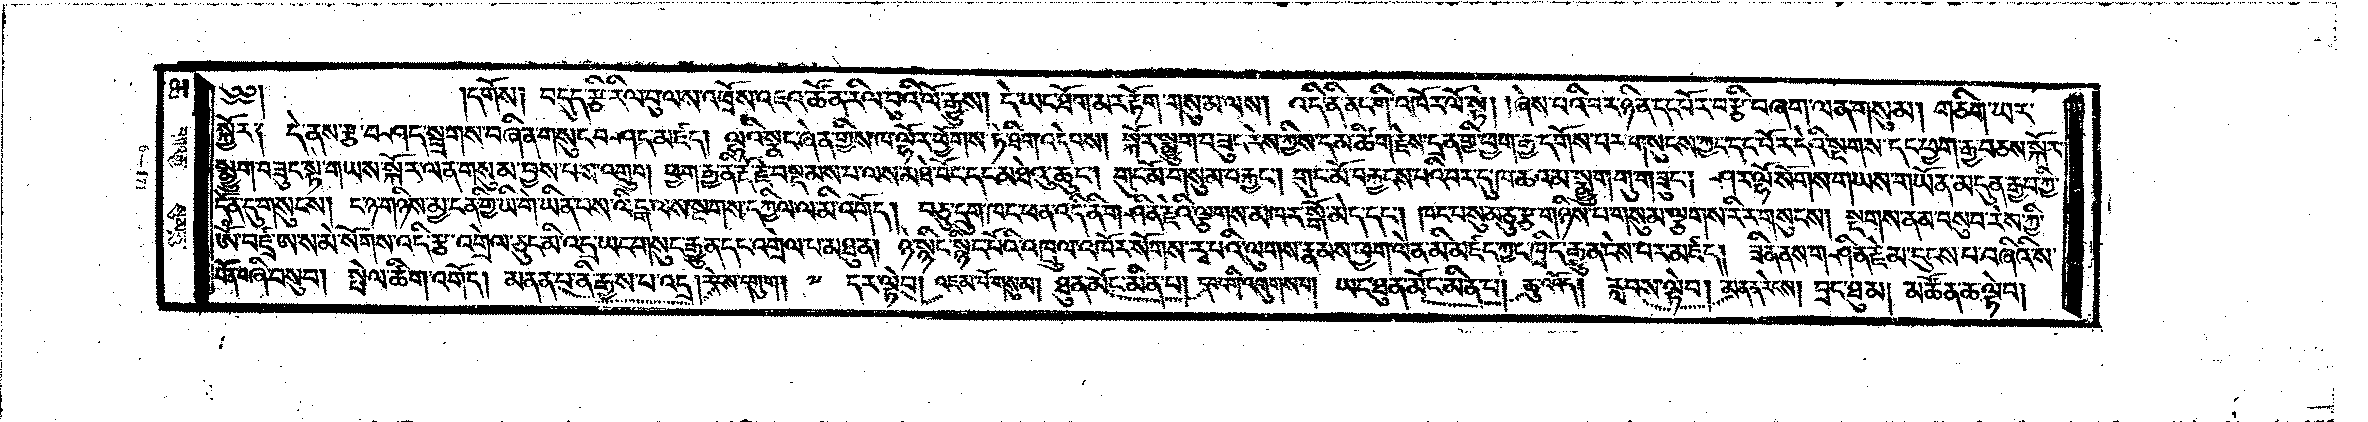༄༅། །དགོས༑ བདུད་རྩི་རིལ་བུ་ལས་འཕྲོས་འཇའ་ཚོ་ན་རིལ་བུའི་ལོ་རྒྱུས། དེ་ཡང་ཐོག་མར་རྟོག་གསུམ་ལས། འདི་ནི་ནང་གི་འཁོར་ལོ་སྟེ། །ཞེས་པའི་བར་ཉིན་དང་པོར་བརྩི་བཞག་ལན་གསུམ། གཅིག་ཡར་
སྐྱོར༑ དེ་ནས་རྩ་བཤད་སྦྲགས་བཞིན་གསུང་བཤད་མཛད། ལྷའི་སྣང་ཞེན་གྱིས་ཁ་ལྷོར་ཕྱོགས་ཏེ་ཐིག་འདེབས། སྐོར་སྨྱུག་བཟུང་རེས་ཀྱིས་དམ་ཚིག་རྗེས་དྲན་གྱི་ཕྱག་རྒྱ་དགོས་པར་གསུངས་ཀྱང་དང་པོར་དེའི་སྔགས་དང་ཕྱག་རྒྱ་བཅས་སྐོར་
སྨྱུག་བཟུང་སྟེ་གཡས་སྐོར་ལན་གསུམ་བྱས་པས་འགྲུབ། ཕྱག་རྒྱ་ནི་རྡོ་རྗེ་བསྡམས་པ་ལས་མཐེ་བོང་དང་མཐེའུ་ཆུང་། གུང་མོ་གསུམ་བརྐྱང་། གུང་མོ་བརྐྱངས་པའི་བར་དུ་ཁ་ཆའམ་སྨྱུག་གུ་གཟུང་། ཤར་ལྷོ་སོགས་གཡས་གཡོན་མདུན་རྒྱབ་ཀྱི་
དོན་དུ་གསུངས། ང་ཉ་གཉིས་མྱ་ངན་གྱི་ཡི་གེ་ཡིན་པས་ལིངྒ་ལས་སྔགས་དཀྱིལ་ལ་མི་འགོད། བཅུ་དྲུག་ཁང་ཕན་འདི་ནི་གཤིན་རྗེའི་ལྕགས་མཁར་སྒོ་མེད་དང་། ཁང་པ་སུམ་ཅུ་རྩ་གཉིས་པ་གསུམ་ལྕགས་རིར་གསུངས། སྔགས་ནམ་བསུབ་རེས་ཀྱི་
ཨོཾ་བཛྲ་ཨ་ས་མེ་སོགས་འདི་རྩ་འགྲེལ་ཅུང་མི་འདྲ་ཡང་གསུང་རྒྱུན་དང་འགྲེལ་པ་མཐུན། ཉེ་སྙིང་སྙིང་པོའི་འཁྲུལ་འཁོར་སོགས་རྭ་པའི་ལུགས་རྣམས་ཕྱག་ལེན་མི་མཛད་ཀྱང་ཁྲིད་རྒྱུན་ངེས་པར་མཛད། ཟིན་ནས་གཤིན་རྗེ་མ་དུངས་པ་བཞིའི་ས་
བོན་བཞི་བསུབ། སྤེལ་ཚིག་འགོད། མནན་རེངས་དགུག།  པ་ནི་རྒྱས་པ་འདྲ། ༧་དར་ལྟེ་འཇམ་པོ་གསུམ།  ཐུན་མོང་དབང་གི་འགུགས་པ།  མིན་པ། ཡང་ཐུན་མོང་ཆུ་འབོད།  མིན་པ། རླབས་མནན་རེངས་ལྟེ་བ། བྲང་ཐུམ། མཚོན་ཆ་ལྟེ་བ།